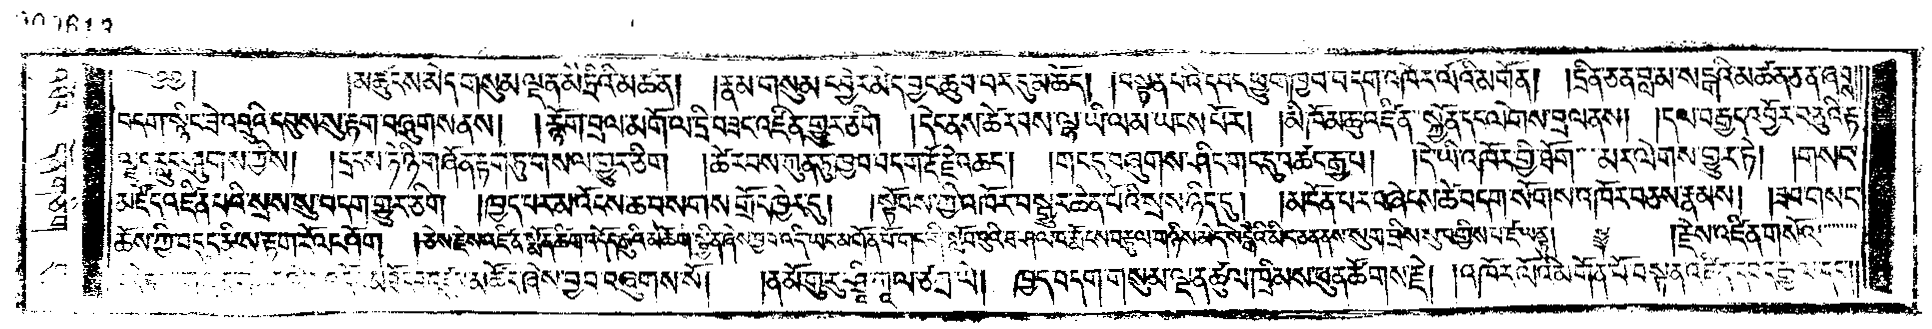༄༅། །མཚུངས་མེད་གསུམ་ལྡན་མཻ་ཏྲིའི་མཚན། །རྣམ་གསུམ་དབྱེར་མེད་བྱང་ཆུབ་བར་དུ་མཆོད། །བསྟན་པའི་དབང་ཕྱུག་ཁྱབ་བདག་འཁོར་ལོའི་མགོན། །དྲིན་ཅན་བླ་མ་སངྒའི་མཚན་ཅན་ཞབས། །
བདག་སྙིང་ཟེ་འབྲུའི་དབུས་སུ་རྟག་བཞུགས་ནས། །རྙོག་བྲལ་མགོ་ལ་དྲི་བཟང་འཛིན་གྱུར་ཅིག །དེང་ནས་ཚེ་རབས་ལྷ་ཡི་ལམ་ཡངས་པོར། །མི་ཁོམ་ཆུ་འཛིན་སྐྱོན་དང་ལེགས་བྲལ་ནས། །དལ་བརྒྱད་འབྱོར་བཅུའི་རྟ་
ལྗང་རླུང་ཤུགས་ཀྱིས། །དྲངས་ཏེ་ཉི་གཞོན་རྟག་ཏུ་གསལ་གྱུར་ཅིག །ཚེ་རབས་ཀུན་ཏུ་ཁྱབ་བདག་རྡོ་རྗེ་འཆང་། །གང་དུ་བཞུགས་ཤིང་གང་དུ་འཚང་རྒྱ་པ། །དེ་ཡི་འཁོར་གྱི་ཐོག་མར་ལེགས་གྱུར་ཏེ། །གསང་
མཛོད་འཛིན་པའི་སྲས་སུ་བདག་གྱུར་ཅིག །ཁྱད་པར་མ་འོངས་ཆ་བསགས་གྲོང་ཁྱེར་དུ། །སྟོབས་ཀྱི་འཁོར་བསྒྱུར་ཆེན་པོའི་སྲས་ཉིད་དུ། །མངོན་པར་བཞེངས་ཚེ་བདག་སོགས་འཁོར་བཅས་རྣམས། །ཟབ་གསང་
ཆོས་ཀྱི་བདུད་རྩིས་རྟག་རོལ་ཤོག ། ཅེས་རྗེས་འཛིན་སྨོན་ཚིག་འདོད་རྒུའི་མཆོག་སྦྱིན་ཞེས་བྱ་བ་འདི་ཡང་མགོན་པོ་གང་གི་སློབ་བུའི་ཐ་ཤལ་བ་རྨོངས་བརྟུལ་གཉིས་མེད་སེངྒེའི་མིང་ཅན་ནས་སུག་བྲིས་སུ་བགྱིས་པ་ཛ་ཡནྟུ།  ༈ །རྗེས་འཛིན་གསོལ་
འདེབས་གཞན་གཟེར་ལེད་འདོད་མཐོང་བ་འཛུམ་མཚོར་ཞེས་བྱ་བ་བཞུགས་སོ། །ན་མོ་གུ་རུ་ཤྲཱི་ཀཱ་ལ་ཙ་ཀྲ་ཡེ། ཁྱད་བདག་གསུམ་ལྡན་ཚུལ་ཁྲིམས་ཕུན་ཚོགས་རྗེ། །འཁོར་ལོའི་མགོན་པོ་བསྟན་འཛིན་དབང་རྒྱལ་དང་། །